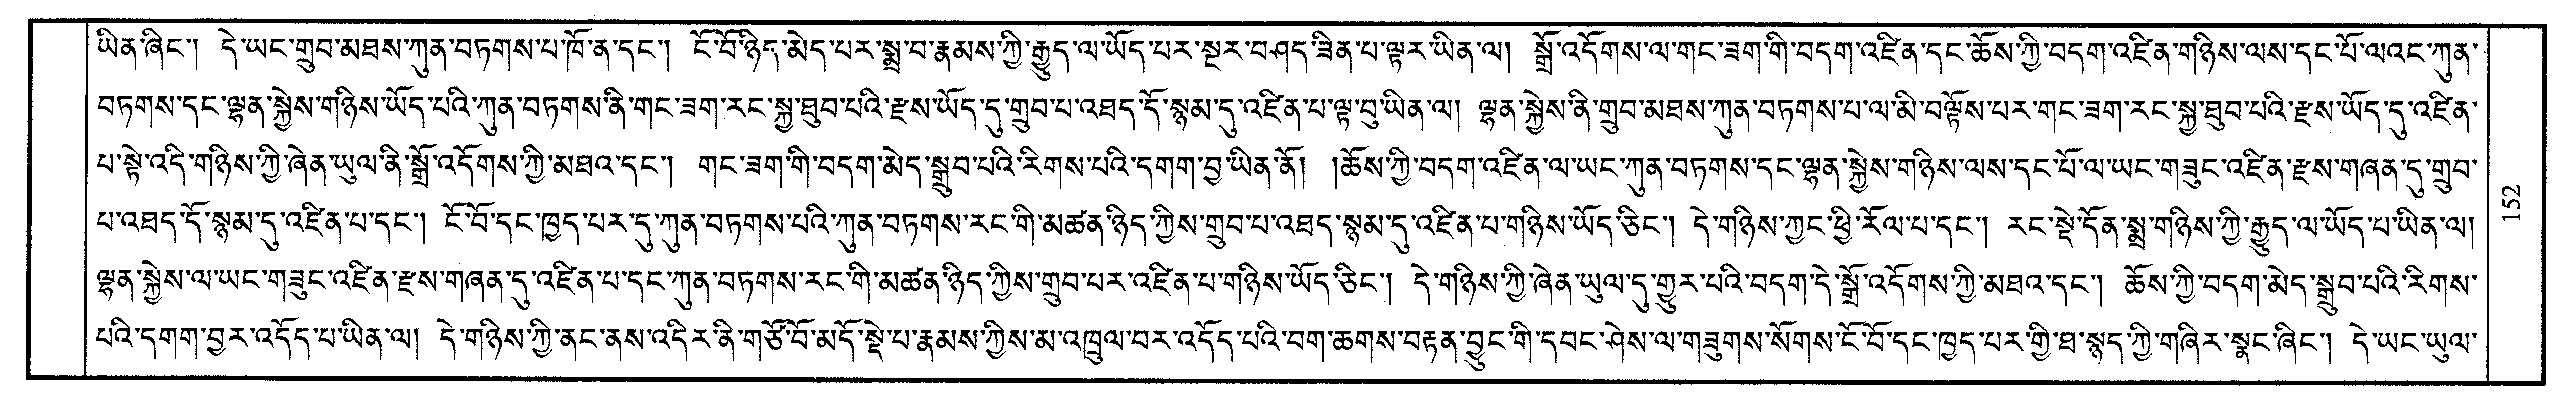ཡིན་ཞིང་། དེ་ཡང་གྲུབ་མཐས་ཀུན་བཏགས་པ་ཁོ་ན་དང་། ངོ་བོ་ཉིད་མེད་པར་སྨྲ་བ་རྣམས་ཀྱི་རྒྱུད་ལ་ཡོད་པར་སྔར་བཤད་ཟིན་པ་ལྟར་ཡིན་ལ། སྒྲོ་འདོགས་ལ་གང་ཟག་གི་བདག་འཛིན་དང་ཆོས་ཀྱི་བདག་འཛིན་གཉིས་ལས་དང་པོ་ལའང་ཀུན་
བཏགས་དང་ལྷན་སྐྱེས་གཉིས་ཡོད་པའི་ཀུན་བཏགས་ནི་གང་ཟག་རང་སྐྱ་ཐུབ་པའི་རྫས་ཡོད་དུ་གྲུབ་པ་འཐད་དོ་སྙམ་དུ་འཛིན་པ་ལྟ་བུ་ཡིན་ལ། ལྷན་སྐྱེས་ནི་གྲུབ་མཐས་ཀུན་བཏགས་པ་ལ་མི་བལྟོས་པར་གང་ཟག་རང་སྐྱ་ཐུབ་པའི་རྫས་ཡོད་དུ་འཛིན་
པ་སྟེ་འདི་གཉིས་ཀྱི་ཞེན་ཡུལ་ནི་སྒྲོ་འདོགས་ཀྱི་མཐའ་དང་། གང་ཟག་གི་བདག་མེད་སྒྲུབ་པའི་རིགས་པའི་དགག་བྱ་ཡིན་ནོ། །ཆོས་ཀྱི་བདག་འཛིན་ལ་ཡང་ཀུན་བཏགས་དང་ལྷན་སྐྱེས་གཉིས་ལས་དང་པོ་ལ་ཡང་གཟུང་འཛིན་རྫས་གཞན་དུ་གྲུབ་
པ་འཐད་དོ་སྙམ་དུ་འཛིན་པ་དང་། ངོ་བོ་དང་ཁྱད་པར་དུ་ཀུན་བཏགས་པའི་ཀུན་བཏགས་རང་གི་མཚན་ཉིད་ཀྱིས་གྲུབ་པ་འཐད་སྙམ་དུ་འཛིན་པ་གཉིས་ཡོད་ཅིང་། དེ་གཉིས་ཀྱང་ཕྱི་རོལ་པ་དང་། རང་སྡེ་དོན་སྨྲ་གཉིས་ཀྱི་རྒྱུད་ལ་ཡོད་པ་ཡིན་ལ།
ལྷན་སྐྱེས་ལ་ཡང་གཟུང་འཛིན་རྫས་གཞན་དུ་འཛིན་པ་དང་ཀུན་བཏགས་རང་གི་མཚན་ཉིད་ཀྱིས་གྲུབ་པར་འཛིན་པ་གཉིས་ཡོད་ཅིང་། དེ་གཉིས་ཀྱི་ཞེན་ཡུལ་དུ་གྱུར་པའི་བདག་དེ་སྒྲོ་འདོགས་ཀྱི་མཐའ་དང་། ཆོས་ཀྱི་བདག་མེད་སྒྲུབ་པའི་རིགས་
པའི་དགག་བྱར་འདོད་པ་ཡིན་ལ། དེ་གཉིས་ཀྱི་ནང་ནས་འདིར་ནི་གཙོ་བོ་མདོ་སྡེ་པ་རྣམས་ཀྱིས་མ་འཁྲུལ་བར་འདོད་པའི་བག་ཆགས་བརྟན་བྱུང་གི་དབང་ཤེས་ལ་གཟུགས་སོགས་ངོ་བོ་དང་ཁྱད་པར་གྱི་ཐ་སྙད་ཀྱི་གཞིར་སྣང་ཞིང་། དེ་ཡང་ཡུལ་